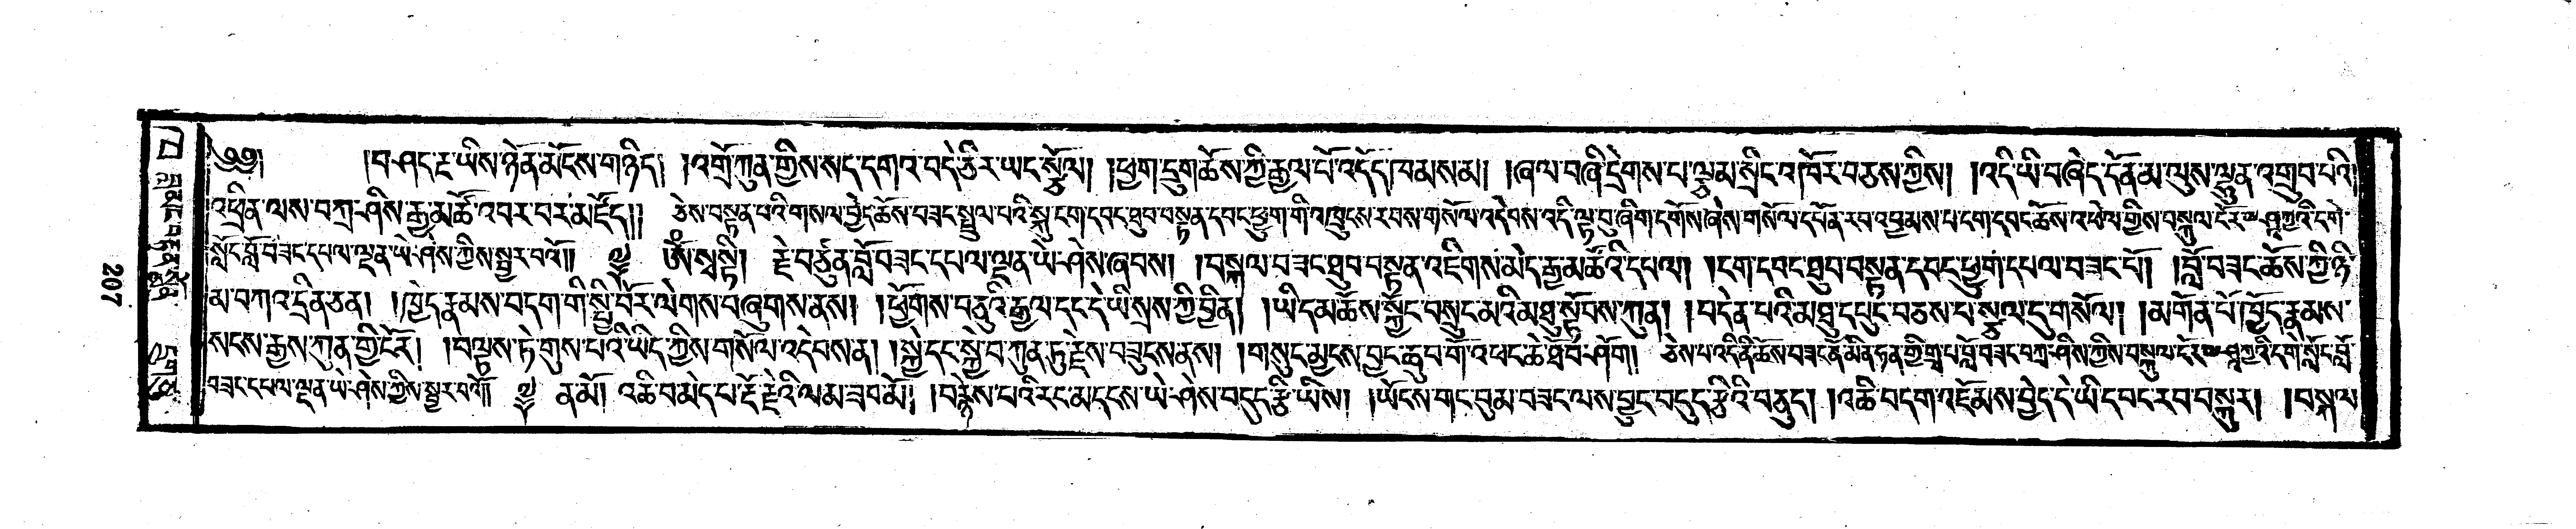༄༅། །བཤད་རྔ་ཡིས་ཉོན་མོངས་གཉིད། །འགྲོ་ཀུན་གྱིས་སད་དགའ་བདེ་ཅིར་ཡང་སྩོལ། །ཕྱག་དྲུག་ཆོས་ཀྱི་རྒྱལ་པོ་འདོད་ཁམས་མ། །ཞལ་བཞི་དྲེགས་པ་ལྕམ་སྲིང་འཁོར་བཅས་ཀྱིས། །འདི་ཡི་བཞེད་དོན་མ་ལུས་ལྷུན་འགྲུབ་པའི་
འཕྲིན་ལས་བཀྲ་ཤིས་རྒྱ་མཚོ་འབར་བར་མཛོད།། ཅེས་བསྟན་པའི་གསལ་བྱེད་ཆོས་བཟང་སྤྲུལ་པའི་སྐུ་ངག་དབང་ཐུབ་བསྟན་དབང་ཕྱུག་གི་འཁྲུངས་རབས་གསོལ་འདེབས་འདི་ལྟ་བུ་ཞིག་དགོས་ཞེས་གསོལ་དཔོན་རབ་འབྱམས་པ་ངག་དབང་ཆོས་འཕེལ་གྱིས་བསྐུལ་ངོར་༧་ཤཱཀྱའི་དགེ་
སློང་བློ་བཟང་དཔལ་ལྡན་ཡེ་ཤེས་ཀྱིས་སྦྱར་བའོ།། ༈ ཨོཾ་སྭ་སྟི། རྗེ་བཙུན་བློ་བཟང་དཔལ་ལྡན་ཡེ་ཤེས་ཞབས། །བསྐལ་བཟང་ཐུབ་བསྟན་འཇིགས་མེད་རྒྱ་མཚོའི་དཔལ། །ངག་དབང་ཐུབ་བསྟན་དབང་ཕྱུག་དཔལ་བཟང་པོ། །བློ་བཟང་ཆོས་ཀྱི་ཉི་
མ་བཀའ་དྲིན་ཅན། །ཁྱེད་རྣམས་བདག་གི་སྤྱི་བོར་ལེགས་བཞུགས་ནས། །ཕྱོགས་བཅུའི་རྒྱལ་དང་དེ་ཡི་སྲས་ཀྱི་བྱིན། །ཡི་དམ་ཆོས་སྐྱོང་བསྲུང་མའི་མཐུ་སྟོབས་ཀུན། །བདེན་པའི་མཐུ་དཔུང་བཅས་པ་སྩལ་དུ་གསོལ། །མགོན་པོ་ཁྱོད་རྣམས་
སངས་རྒྱས་ཀུན་གྱི་ངོར། །བལྟས་ཏེ་གུས་པའི་ཡིད་ཀྱིས་གསོལ་འདེབས་ན། །སྐྱེ་དང་སྐྱེ་བ་ཀུན་ཏུ་རྗེས་བཟུངས་ནས། །གསུང་མྱངས་བྱང་ཆུབ་གོ་འཕང་ཆེ་ཐོབ་ཤོག། ཅེས་པ་འདི་ནི་ཆོས་བཟང་ནོ་མིན་ཧན་གྱི་གྲྭ་པ་བློ་བཟང་བཀྲ་ཤིས་ཀྱིས་བསྐུལ་ངོར་༧་ཤཱཀྱའི་དགེ་སློང་བློ་
བཟང་དཔལ་ལྡན་ཡེ་ཤེས་ཀྱིས་སྦྱར་བའོ།། ༈ ན་མོ། འཆི་བ་མེད་པ་རྡོ་རྗེའི་ལམ་ཟབ་མོ། །བརྙེས་པའི་རང་མདངས་ཡེ་ཤེས་བདུད་རྩི་ཡིས། །ཡོངས་གང་བུམ་བཟང་ལས་བྱུང་བདུད་རྩིའི་བཅུད། །འཆི་བདག་འཇོམས་བྱེད་དེ་ཡི་དབང་རབ་བསྐུར། །བསྐལ་